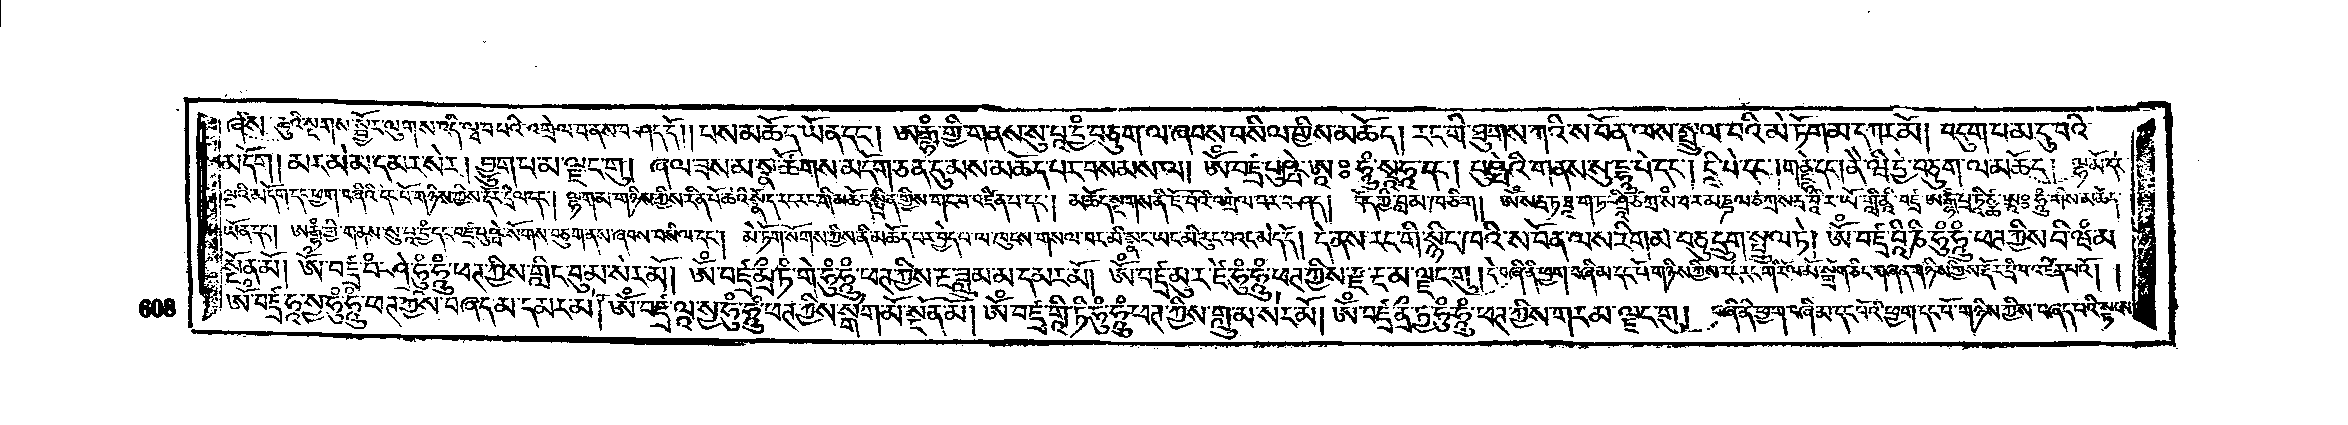ཞེས་ཆུའི་སྔགས་སྦྱོར་ལུགས་འདི་ལྭ་བ་པའི་འགྲེལ་བ་ནས་བཤད་དོ།  །པས་མཆོད་ཡོན་དང་། ཨརྒྷཾ་གྱི་གནས་སུ་པཱ་དྱཾ་བཅུག་ལ་ཞབས་བསིལ་གྱིས་མཆོད། རང་གི་ཐུགས་ཀའི་ས་བོན་ལས་སྤྲུལ་པའི་མེ་ཏོག་མ་དཀར་མོ། བདུག་པ་མ་དུ་བའི་
མདོག །མར་མེ་མ་དམར་སེར། བྱུག་པ་མ་ལྗང་གུ། ཞལ་ཟས་མ་སྣ་ཚོགས་མདོག་ཅན་དུ་མས་མཆོད་པར་བསམས་ལ། ཨོཾ་བཛྲ་པུཥྤེ་ཨཱཿ ཧཱུཾ་སྭཱཧཱ་དང་། པུཥྤེའི་གནས་སུ་དྷཱུ་པེ་དང་། དཱི་པེ་དང་། གནྡྷེ་དང་། ནཻ་ཝི་དྱེ་བཅུག་ལ་མཆོད། ལྷ་མོ་དེ་
ལྔའི་མདོག་དང་ཕྱག་བཞིའི་དང་པོ་གཉིས་ཀྱིས་རྡོར་དྲིལ་དང་། ལྷག་མ་གཉིས་ཀྱིས་རིན་པོ་ཆེའི་སྣོད་རང་རང་གི་མཆོད་སྤྲིན་གྱིས་གང་བ་འཛིན་པ་དང་། མཆོད་སྔགས་ནི་ཇོ་བོའི་འགྲེལ་པར་བཤད། བོད་ཀྱི་བླ་མ་ཁ་ཅིག །ཨོཾ་སརྦ་ཏ་ཐཱ་ག་ཏ་ཤྲཱི་ཙཀྲ་སཾ་བར་མཎྜལ་ཙཀྲ་སརྦ་བཱི་ར་ཡེ་གཱི་ནཱི་བཛྲ་ཨརྒྷཾ་པྲ་ཏཱི་ཙྪ་ཨཱཿ ཧཱུཾ་གིས་མཆོད་
ཡོན་དང་། ཨརྒྷཾ་གྱི་གནས་སུ་པཱ་དྱཾ་དང་བཛྲ་པུཥྤེ་སོགས་བཅུག་ནས་ཞབས་བསིལ་དང་། མེ་ཏོག་སོགས་ཀྱིས་ནི་མཆོད་པར་བྱེད་པ་ལ་ཁུངས་གསལ་བར་མི་སྣང་ཡང་མི་རུང་བའང་མེད་དོ། དེ་ནས་རང་གི་སྙིང་ཁའི་ས་བོན་ལས་རིག་མ་བཅུ་དྲུག་སྤྲུལ་ཏེ། ཨོཾ་བཛྲ་བཱི་ཎི་ཧུཾ་ཧཱུཾ་ཕཊ་ཀྱིས་པི་ཝཾ་མ་
སྔོན་མོ། ཨོཾ་བཛྲ་བཾ་ཤེ་ཧུཾ་ཧཱུཾ་ཕཊ་ཀྱིས་གླིང་བུ་མ་སེར་མོ། ཨོཾ་བཛྲ་མྲྀ་ཏཾ་གེ་ཧུཾ་ཧཱུཾ་ཕཊ་ཀྱིས་རྔ་ཟླུམ་མ་དམར་མོ། ཨོཾ་བཛྲ་མུ་ར་ཛེ་ཧུཾ་ཧཱུཾ་ཕཊ་ཀྱིས་རྫ་རྔ་མ་ལྗང་གུ ། དེ་བཞི་ནི་ཕྱག་བཞི་མ་དང་པོ་གཉིས་ཀྱིས་རང་རང་གི་རོལ་མོ་སྒྲོག་ཅིང་གཞན་གཉིས་ཀྱིས་རྡོར་དྲིལ་འཛིན་པའོ། །
ཨོཾ་བཛྲེ་ཧཱ་སྱ་ཧུཾ་ཧཱུཾ་ཕཊ་ཀྱིས་བཞད་མ་དམར་མོ། ཨོཾ་བཛྲ་ལཱུ་སྱ་ཧུཾ་ཧཱུཾ་ཕཊ་ཀྱིས་སྒེག་མོ་སྔོན་མོ། ཨོཾ་བཛྲ་གཱི་ཏི་ཧུཾ་ཧཱུཾ་ཕཊ་ཀྱིས་གླུ་མ་སེར་མོ། ཨོཾ་བཛྲ་ནྲྀ་ཏྱ་ཧུཾ་ཧཱུཾ་ཕཊ་ཀྱིས་གར་མ་ལྗང་གུ། བཞི་ནི་ཕྱག་བཞི་མ་དང་པོའི་ཕྱག་དང་པོ་གཉིས་ཀྱིས་བཞད་པའི་སྟངས་